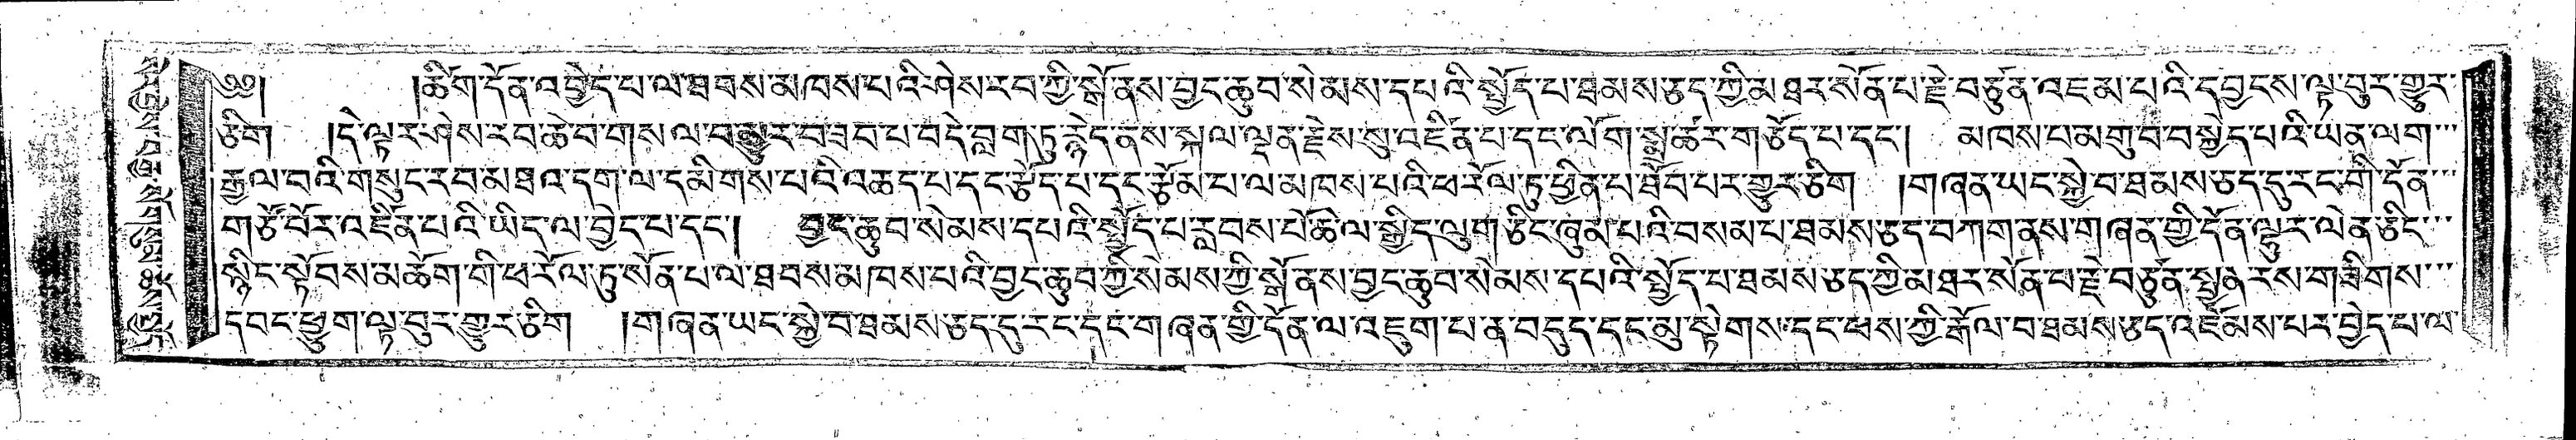༄༅། །ཚིག་དོན་འབྱེད་པ་ལ་ཐབས་མཁས་པའི་ཤེས་རབ་ཀྱི་སྒོ་ནས་བྱང་ཆུབ་སེམས་དཔའི་སྤྱོད་པ་ཐམས་ཅད་ཀྱི་མཐར་སོན་པ་རྗེ་བཙུན་འཇམ་པའི་དབྱངས་ལྟ་བུར་གྱུར་
ཅིག །དེ་ལྟར་ཤེས་རབ་ཆེ་བ་གསལ་བ་མྱུར་བ་ཟབ་པ་བདེ་བླག་ཏུ་རྙེད་ནས་སྐལ་ལྡན་རྗེས་སུ་འཛིན་པ་དང་ལོག་སྨྲ་ཚར་གཅོད་པ་དང་། མཁས་པ་མགུ་བ་བསྐྱེད་པའི་ཡན་ལག་
རྒྱལ་བའི་གསུང་རབ་མཐའ་དག་ལ་དམིགས་པའི་འཆད་པ་དང་རྩོད་པ་དང་རྩོམ་པ་ལ་མཁས་པའི་ཕ་རོལ་ཏུ་ཕྱིན་པ་ཐོབ་པར་གྱུར་ཅིག །གཞན་ཡང་སྐྱེ་བ་ཐམས་ཅད་དུ་རང་གི་དོན་
གཙོ་བོར་འཛིན་པའི་ཡིད་ལ་བྱེད་པ་དང་། བྱང་ཆུབ་སེམས་དཔའི་སྤྱོད་པ་རླབས་པོ་ཆེ་ལ་སྒྱིད་ལུག་ཅིང་ཞུམ་པའི་བསམ་པ་ཐམས་ཅད་བཀག་ནས་གཞན་གྱི་དོན་ལྷུར་ལེན་ཅིང་
སྙིང་སྟོབས་མཆོག་གི་ཕ་རོལ་ཏུ་སོན་པ་ལ་ཐབས་མཁས་པའི་བྱང་ཆུབ་ཀྱི་སེམས་ཀྱི་སྒོ་ནས་བྱང་ཆུབ་སེམས་དཔའི་སྤྱོད་པ་ཐམས་ཅད་ཀྱི་མཐར་སོན་པ་རྗེ་བཙུན་སྤྱན་རས་གཟིགས་
དབང་ཕྱུག་ལྟ་བུར་གྱུར་ཅིག །གཞན་ཡང་སྐྱེ་བ་ཐམས་ཅད་དུ་རང་དང་གཞན་གྱི་དོན་ལ་འཇུག་པ་ན་བདུད་དང་མུ་སྟེགས་དང་ཕས་ཀྱི་རྒོལ་བ་ཐམས་ཅད་འཇོམས་པར་བྱེད་པ་ལ་